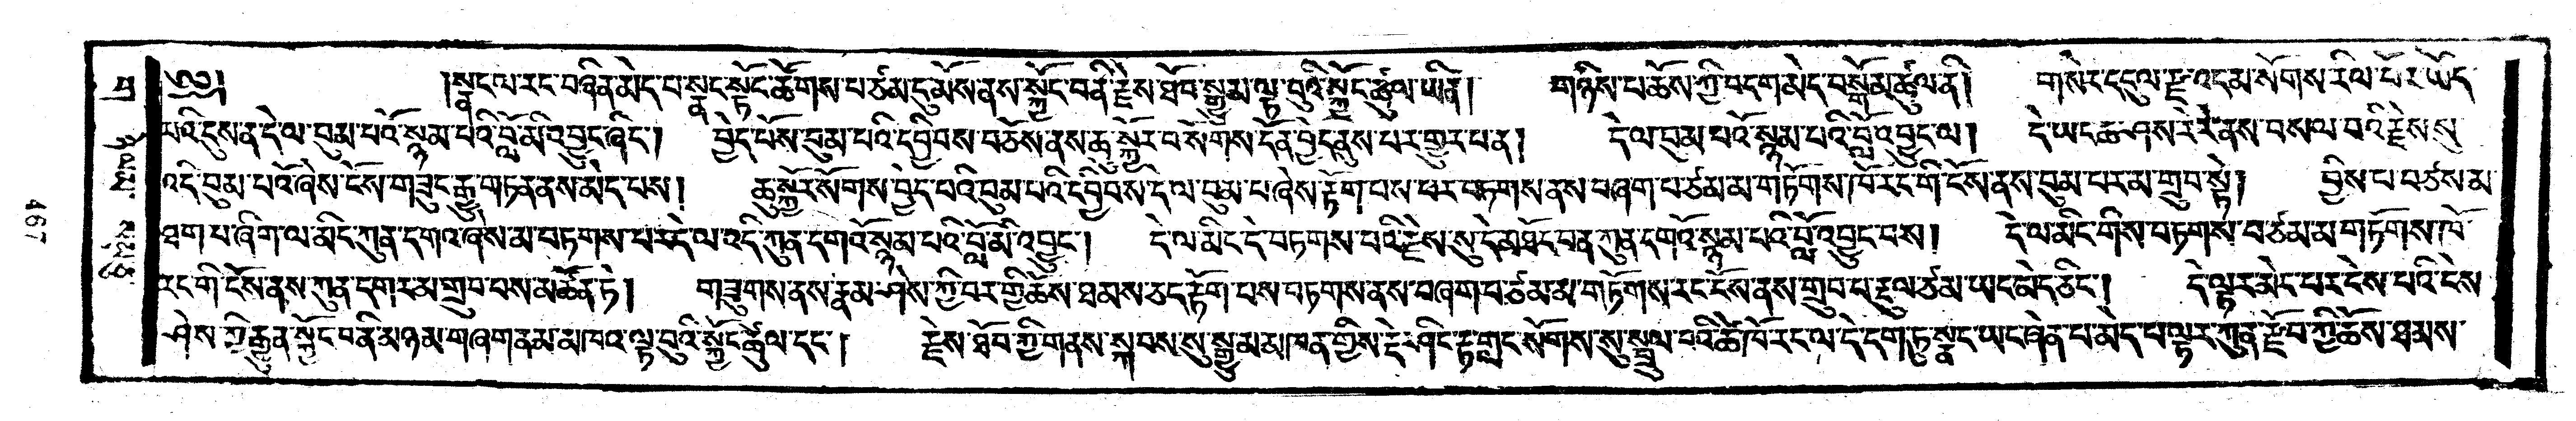༄༅། །སྣང་ལ་རང་བཞིན་མེད་པ་སྣང་སྟོང་ཚོགས་པ་ཙམ་དུ་མོས་ནས་སྐྱོང་བ་ནི་རྗེས་ཐོབ་སྒྱུ་མ་ལྟ་བུའི་སྐྱོང་ཚུལ་ཡིན། གཉིས་པ་ཆོས་ཀྱི་བདག་མེད་བསྒོམ་ཚུལ་ནི། གསེར་དངུལ་རྫ་འདམ་སོགས་རིལ་པོར་ཡོད་
པའི་དུས་ན་དེ་ལ་བུམ་པའོ་སྙམ་པའི་བློ་མི་འབྱུང་ཞིང་། བྱེད་པོས་བུམ་པའི་དབྱིབས་བཅོས་ནས་ཆུ་སྐྱོར་བ་སོགས་དོན་བྱེད་ནུས་པར་གྱུར་པ་ན། དེ་ལ་བུམ་པའོ་སྙམ་པའི་བློ་འབྱུང་ལ། དེ་ཡང་ཆ་ཤས་རེ་རེ་ནས་བསལ་བའི་རྗེས་སུ་
འདི་བུམ་པའོ་ཞེས་ངོས་གཟུང་རྒྱུ་གཏན་ནས་མེད་པས། ཆུ་སྐྱོར་སོགས་བྱེད་པའི་བུམ་པའི་དབྱིབས་དེ་ལ་བུམ་པ་ཞེས་རྟོག་པས་ཕར་བཏགས་ནས་བཞག་པ་ཙམ་མ་གཏོགས་ཁོ་རང་གི་ངོས་ནས་བུམ་པར་མ་གྲུབ་སྟེ། བྱིས་པ་བཙས་མ་
ཐག་པ་ཞིག་ལ་མིང་ཀུན་དགའ་ཞེས་མ་བཏགས་པར་དེ་ལ་འདི་ཀུན་དགའོ་སྙམ་པའི་བློ་མི་འབྱུང་། དེ་ལ་མིང་དེ་བཏགས་པའི་རྗེས་སུ་དེ་མཐོང་བན་ཀུན་དགའོ་སྙམ་པའི་བློ་འབྱུང་བས། དེ་ལ་མིང་གིས་བཏགས་བ་ཙམ་མ་གཏོགས་ཁོ་
རང་གི་ངོས་ནས་ཀུན་དགར་མ་གྲུབ་བས་མཚོན་ཏེ། གཟུགས་ནས་རྣམ་ཤེས་ཀྱི་བར་གྱི་ཆོས་ཐམས་ཅད་རྟོག་པས་བཏགས་ནས་བཞག་པ་ཙམ་མ་གཏོགས་རང་ངོས་ནས་གྲུབ་པ་རྡུལ་ཙམ་ཡང་མེད་ཅིང་། དེ་ལྟར་མེད་པར་ངེས་པའི་ངེས་
ཤེས་ཀྱི་རྒྱུན་སྐྱོང་བ་ནི་མཉམ་གཞག་ནམ་མཁའ་ལྟ་བུའི་སྐྱོང་ཚུལ་དང་། རྗེས་ཐོབ་ཀྱི་གནས་སྐབས་སུ་སྒྱུ་མ་མཁན་གྱིས་རྡེ་ཤིང་རྟ་གླང་སོགས་སུ་སྤྲུལ་བའི་ཚེ་ཁོ་རང་ལ་དེ་དག་ཏུ་སྣང་ཡང་ཞེན་པ་མེད་པ་ལྟར་ཀུན་རྫོབ་ཀྱི་ཆོས་ཐམས་